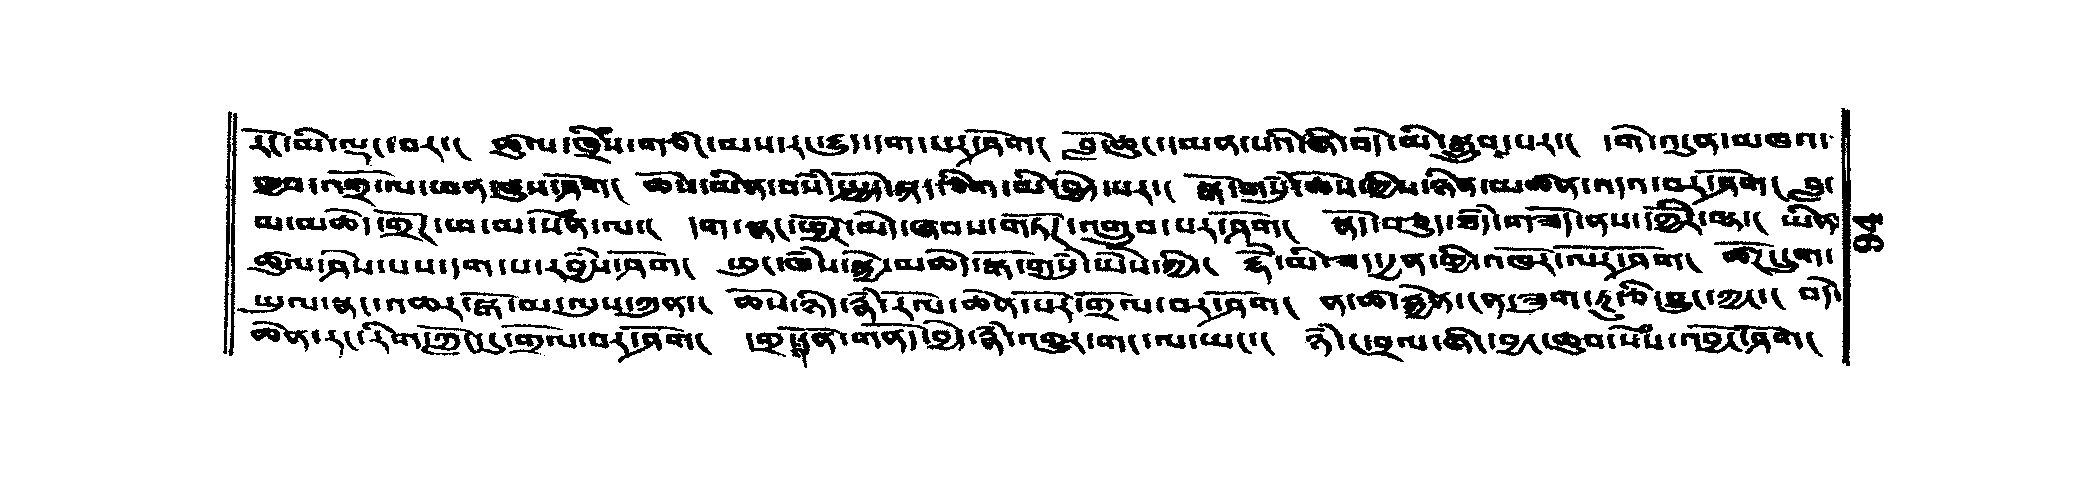རོ་མི་ལྡང་བར། །ཚུལ་ཁྲིམས་གཙང་མས་རང་རྒྱུད་དག་པར་ཤོག །བློ་ཆུང་དམན་པའི་ཞི་བདེ་མི་བསྒྲུབ་པར། །དགེ་འདུན་མཁའ་
ཁྱབ་འགྲོ་ལ་ཕན་ནུས་ཤོག །ཆོས་མིན་བསམ་སྤྱོད་སྐད་ཅིག་མི་བྱེད་པར། །སྒོ་གསུམ་ཆོས་ཀྱིས་ཉིན་མཚན་འདའ་བར་ཤོག །བླ་
མ་མཆེད་གྲོགས་ཕ་མ་སེམས་ཅན་ལ། །དག་སྣང་ཕྱོགས་མེད་ཞབས་ཏོག་འགྲུབ་པར་ཤོག །སྣོད་བཅུད་ཐམས་ཅད་གཟོད་ནས་དཀྱིལ་འཁོར་ལྷ། །ཡིན་
ཚུལ་ཤེས་པས་དག་པར་རབ་འབྱམས་ཤོག །ཕུང་ཁམས་སྐྱེ་མཆེད་སྒོ་གསུམ་ཡེ་ཤེས་ཀྱི། །རྡོ་རྗེ་མི་ཟད་རྒྱན་གྱི་འཁོར་ལོར་ཤོག །ཚོགས་དྲུག་
ཡུལ་སྣང་འཆར་སྒོ་མ་ལུས་ཀུན། །ཆོས་ཉིད་རྣམ་རོལ་ཆེན་པོར་གྲོལ་བར་ཤོག །ན་ཚ་རྐྱེན་ངན་ཟུག་རྔུ་ཅི་བྱུང་ཀྱང་། །བདེ་
ཆེན་རང་རིག་ཀློང་དུ་གྲོལ་བར་ཤོག །དགྲ་གདོན་གནོད་བྱེད་རྣམ་འགྱུར་གང་ལ་ཡང་། །ཉམ་ང་བྲལ་ཞིང་བྱང་ཆུབ་སེམས་འབྱོངས་ཤོག